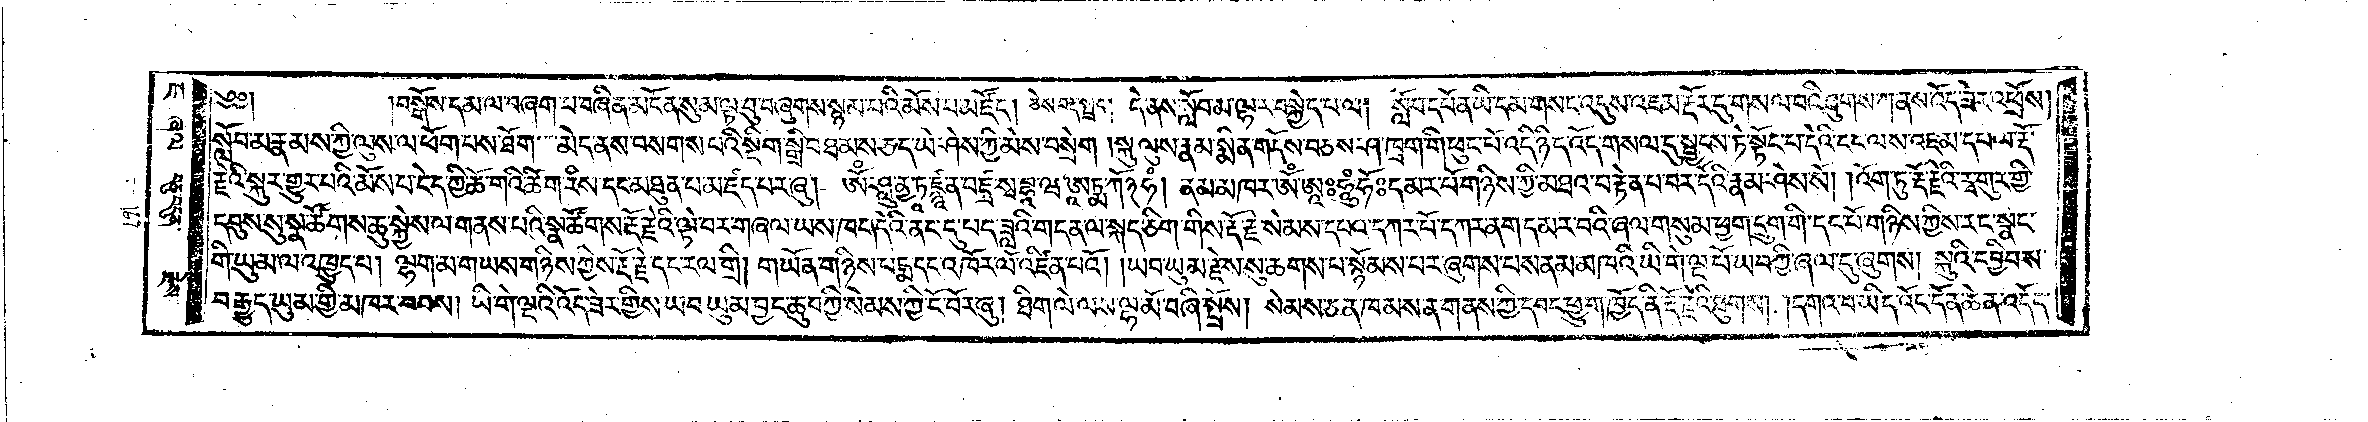༄༅། །བསྒོས་དམ་ལ་བཞག་པ་བཞིན་མངོན་སུམ་ལྟ་བུ་བཞུགས་སྙམ་པའི་མོས་པ་མཛོད། ཅེས་བརྡ་སྤྲད།  དེ་ནས་སློབ་མ་ལྟར་བསྐྱེད་པ་ལ། སློབ་དཔོན་ཡི་དམ་གསང་འདུས་འཇམ་རྡོར་དུ་གསལ་བའི་ཐུགས་ཀ་ནས་འོད་ཟེར་འཕྲོས།
སློབ་མ་རྣམས་ཀྱི་ལུས་ལ་ཕོག་པས་ཐོག་མེད་ནས་བསགས་པའི་སྡིག་སྒྲིབ་ཐམས་ཅད་ཡེ་ཤེས་ཀྱི་མེས་བསྲེག །སྐུ་ལུས་རྣམས་སྨིན་གདོས་བཅས་ཤ་ཁྲག་གི་ཕུང་པོ་འདི་ཉིད་འོད་གསལ་དུ་སྦྱངས་ཏེ་སྟོང་པ་དེའི་ངང་ལས་འཇམ་དཔལ་རྡོ་
རྗེའི་སྐུར་གྱུར་པའི་མོས་པ་ངེད་ཀྱི་ཆོ་གའི་ཚིག་རིས་དང་མཐུན་པ་མཛད་པར་ཞུ། ཨོཾ་ཤཱུནྱ་ཏཱ་ཛྙཱ་ན་བཛྲ་སྭ་བྷཱ་ཝ་ཨཱཏྨ་ཀོཉཧཾ། ནམ་མཁར་ཨོཾ་ཨཱཿཧཱུཾ་ཧོཿདམར་པོ་གཉིས་ཀྱི་མཐའ་བརྟེན་པར་བར་དོའི་རྣམ་ཤེས་སོ། །འོག་ཏུ་རྡོ་རྗེའི་རྭ་གུར་གྱི་
དབུས་སུ་སྣ་ཚོགས་ཆུ་སྐྱེས་ལ་གནས་པའི་སྣ་ཚོགས་རྡོ་རྗེའི་ལྟེ་བར་གཞལ་ཡས་ཁང༑ དེའི་ནང་དུ་པད་ཟླའི་གདན་ལ་སྐད་ཅིག་གིས་རྡོ་རྗེ་སེམས་དཔའ་དཀར་པོ་དཀར་ནག་དམར་པའི་ཞལ་གསུམ་ཕྱག་དྲུག་གི་དང་པོ་གཉིས་ཀྱིས་རང་སྣང་
གི་ཡུམ་ལ་འཁྱུད་པ། ལྷག་མ་གཡས་གཉིས་ཀྱིས་རྡོ་རྗེ་དང་རལ་གྲི། གཡོན་གཉིས་པདམ་དང་འཁོར་ལོ་འཛིན་པའོ། །ཡབ་ཡུམ་རྗེས་སུ་ཆགས་པ་སྙོམས་པར་ཞུགས་པས་ནམ་མཁའི་ཡི་གེ་ལྔ་པོ་ཡབ་ཀྱི་ཞལ་དུ་ཞུགས། སྐུའི་དབྱིབས་
བརྒྱུད་ཡུམ་གྱི་མཁར་བབས། ཡི་གེ་ལྔའི་འོད་ཟེར་གྱིས་ཡབ་ཡུམ་བྱང་ཆུབ་ཀྱི་སེམས་ཀྱི་ངོ་བོར་ཞུ། ཐིག་ལེ་ལས་ལྷ་མོ་བཞི་སྤྲོས། སེམས་ཅན་ཁམས་ན་གནས་ཀྱི་དབང་ཕྱུག་ཁྱོད་ནི་རྡོ་རྗེའི་ཐུགས། །དགའ་བ་ཡིད་འོང་དོན་ཆེན་འདོད་